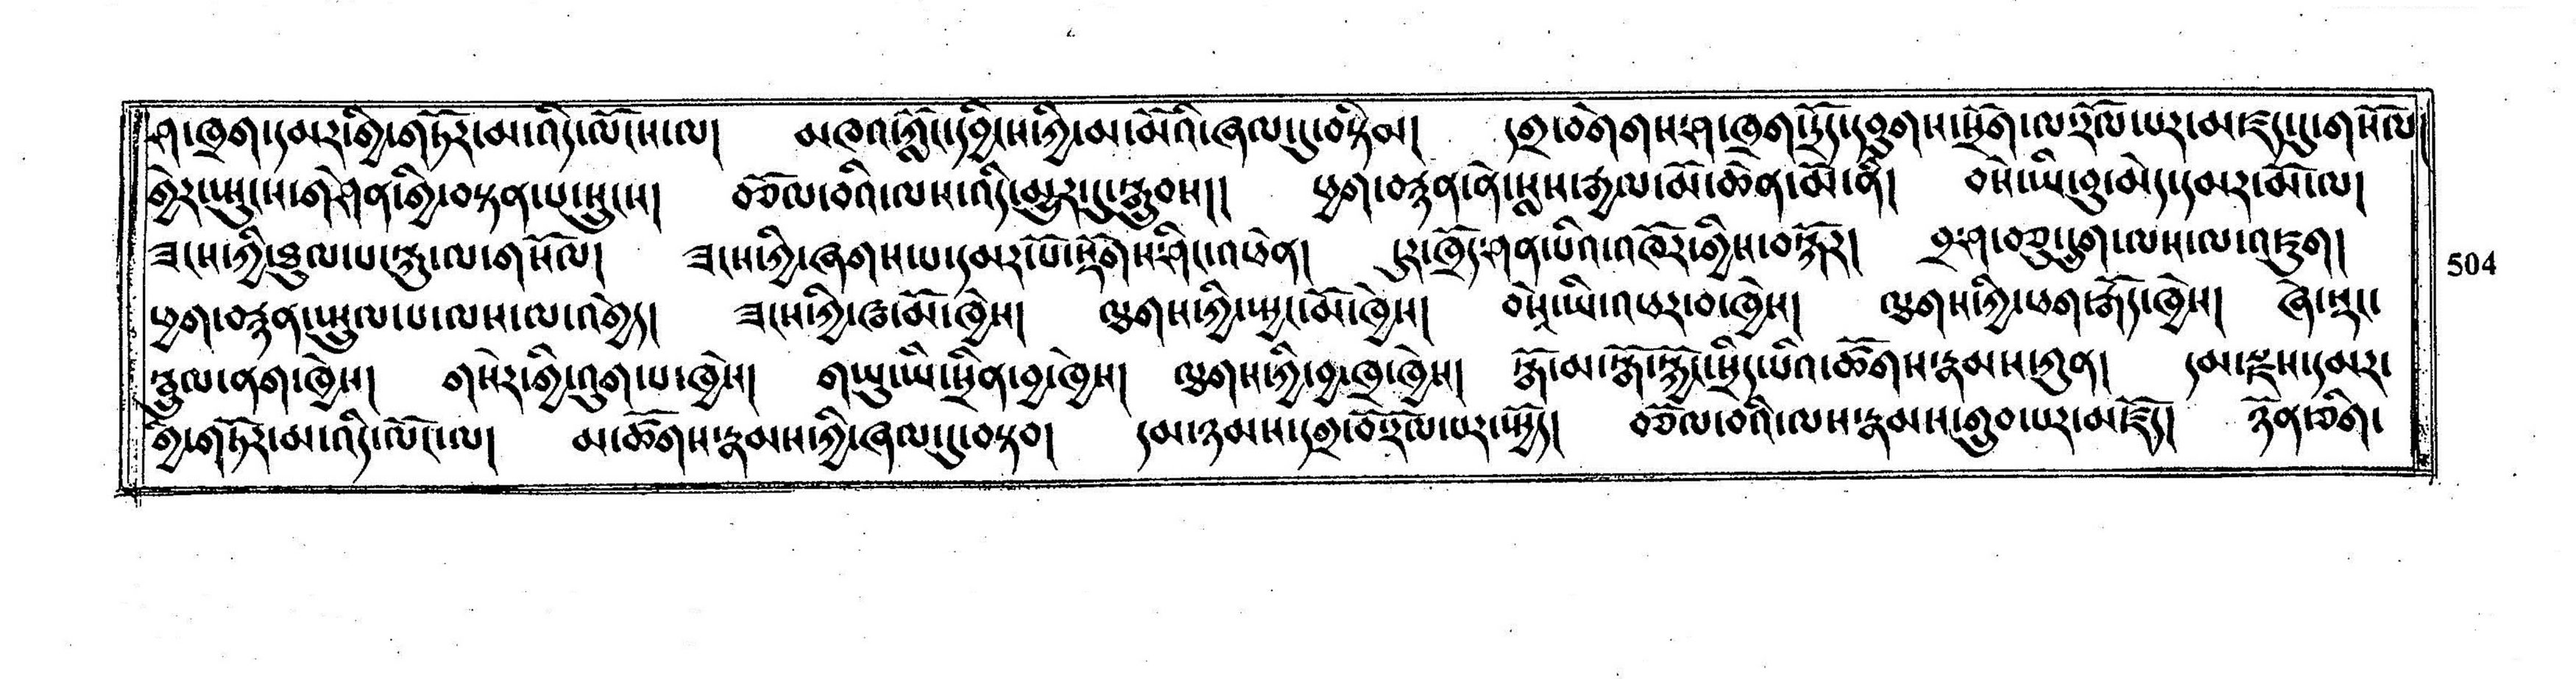ཤ་ཁྲག་དམར་གྱི་གཏོར་མ་འདི་ལོངས་ལ། མཁའ་ཀློང་དབྱིངས་ཀྱི་མ་མོའི་ཞལ་དུ་བསྟིམ། དགྲ་བགེགས་ཤ་ཁྲག་དྲོད་དབུགས་སྲོག་ལ་རོལ་པར་མཛད་དུ་གསོལ། 
གྱེར་སྤུངས་གཤེན་གྱི་བསྟན་པ་སྲུངས། བཅོལ་{518}བའི་ལས་འདི་མྱུར་དུ་སྒྲུབས།། ཕྱག་བརྙན་ནེ་སླས་རྒྱལ་མོ་ཆེན་མོ་ནི། བསེ་ཡི་བུད་མེད་དམར་མོ་ལ། 
ཟངས་ཀྱི་ཐུལ་པ་སྐུ་ལ་གསོལ། ཟངས་ཀྱི་ཞགས་པ་དམར་པོ་སྡོགས་ཤིང་འཕེན། དུར་ཁྲོད་ཤན་པའི་འཁོར་གྱིས་བསྐོར། བྲ་ཤ་བཅུ་དྲུག་ལས་ལ་འཇུག 
ཕྱག་བརྙན་སྤྲུལ་པ་ལས་ལ་འགྱེད། ཟངས་ཀྱི་ཝ་མོ་ཁྱེས། ལྕགས་ཀྱི་སྤྱང་མོ་ཁྱེས། བསྭེ་ཡི་འཕར་བ་ཁྱེས། ལྕགས་ཀྱི་ཕག་རྒོད་ཁྱེས། ཞེ་སྡང་
སྦྲུལ་ནག་ཁྱེས། གསེར་གྱི་འུག་པ་ཁྱེས། གཡུ་ཡི་སྲིན་བྱ་ཁྱེས། ལྕགས་ཀྱི་བྱ་ཁྲ་ཁྱེས། སྒོ་མ་སྒོ་སྐྱོངས་སྲིད་པའི་ཚོགས་རྣམས་ཀུན། དམ་རྫས་དམར་
གྱི་གཏོར་མ་འདི་ལོང་ལ། མ་ཚོགས་རྣམས་ཀྱི་ཞལ་དུ་བསྟབ། དམ་ཉམས་དགྲ་བོ་རོལ་པར་སྤྱོད། བཅོལ་བའི་ལས་རྣམས་གྲུབ་པར་མཛོད། ཉོན་ཅིག་